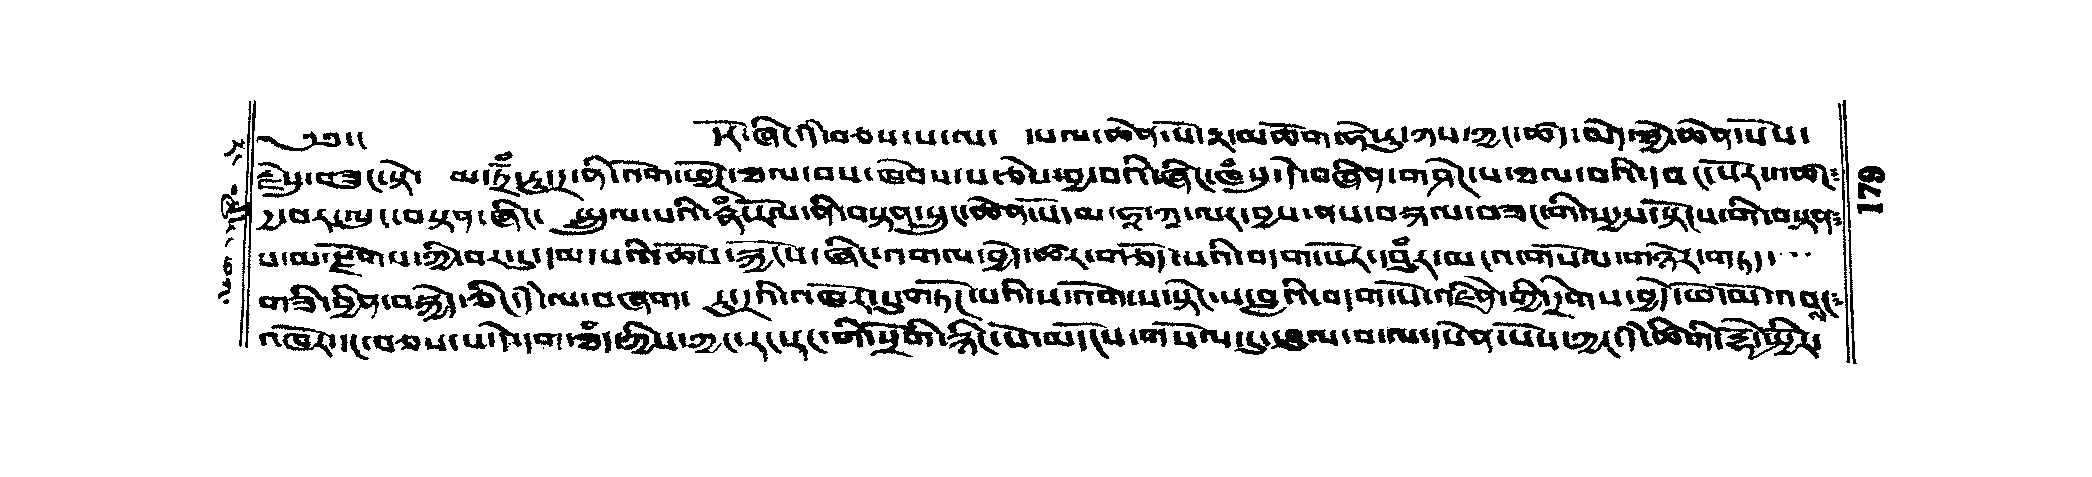དོར་ཞིང་དམ་བཅས་པ་ལ། དཔལ་ཆེན་པོ་རྟ་མཆོག་ཧེ་རུ་ཀས་ཀྱང་ཚད་མེད་ཐུགས་རྗེ་ཆེན་པོས་
རྗེས་སུ་བཟུང་སྟེ། མ་ཏྲྃ་རུ་དྲ་ནི་འོག་ཕྱོགས་ཐལ་བས་ཁེབས་པ་ཅེས་བྱ་བའི་ཞིང་ཁམས་སུ་དེ་བཞིན་གཤེགས་པ་ཐལ་བའི་དབང་པོར་འཚང་
རྒྱ་བར་ལུང་བསྟན་ཞིང་། སྤྲུལ་པའི་རྣམ་རོལ་ནི་བསྟན་སྲུང་ཆེན་པོ་མ་ཧཱ་ཀཱ་ལར་བྱས་ནས་བསྐལ་བཟང་གི་སངས་རྒྱས་སྟོང་གི་བསྟན་
པ་མ་རྫོགས་ཀྱི་བར་དུ་དམ་པའི་ཆོས་སྐྱོང་ཞིང་འགལ་བྱེད་ཚར་གཅོད་པའི་བདག་པོར་དབང་བསྐུར་མངའ་གསོ་གཉེར་གཏད་
གཟི་བྱིན་བསྐྱེད་ཅིང་དམ་ལ་བཞག རུ་དྲའི་འཁོར་དུ་གཏོགས་པའི་ས་འོག་ས་སྟེང་ས་བླའི་བདག་པོ་འཇིག་རྟེན་གྱི་དྲེགས་བྱེད་ཕོ་མོ་འབངས་
འཁོར་དང་བཅས་པ་དེ་དག་ཐམས་ཅད་ཀྱིས་ཀྱང་རང་རང་གི་སྲོག་གི་སྙིང་པོ་མདོངས་གསོལ་དུ་ཕུལ་བ་ལ་དཔེན་པོས་ཀྱང་དམ་ཚིག་གི་རྡོ་རྗེ་སྤྱི་བོར་